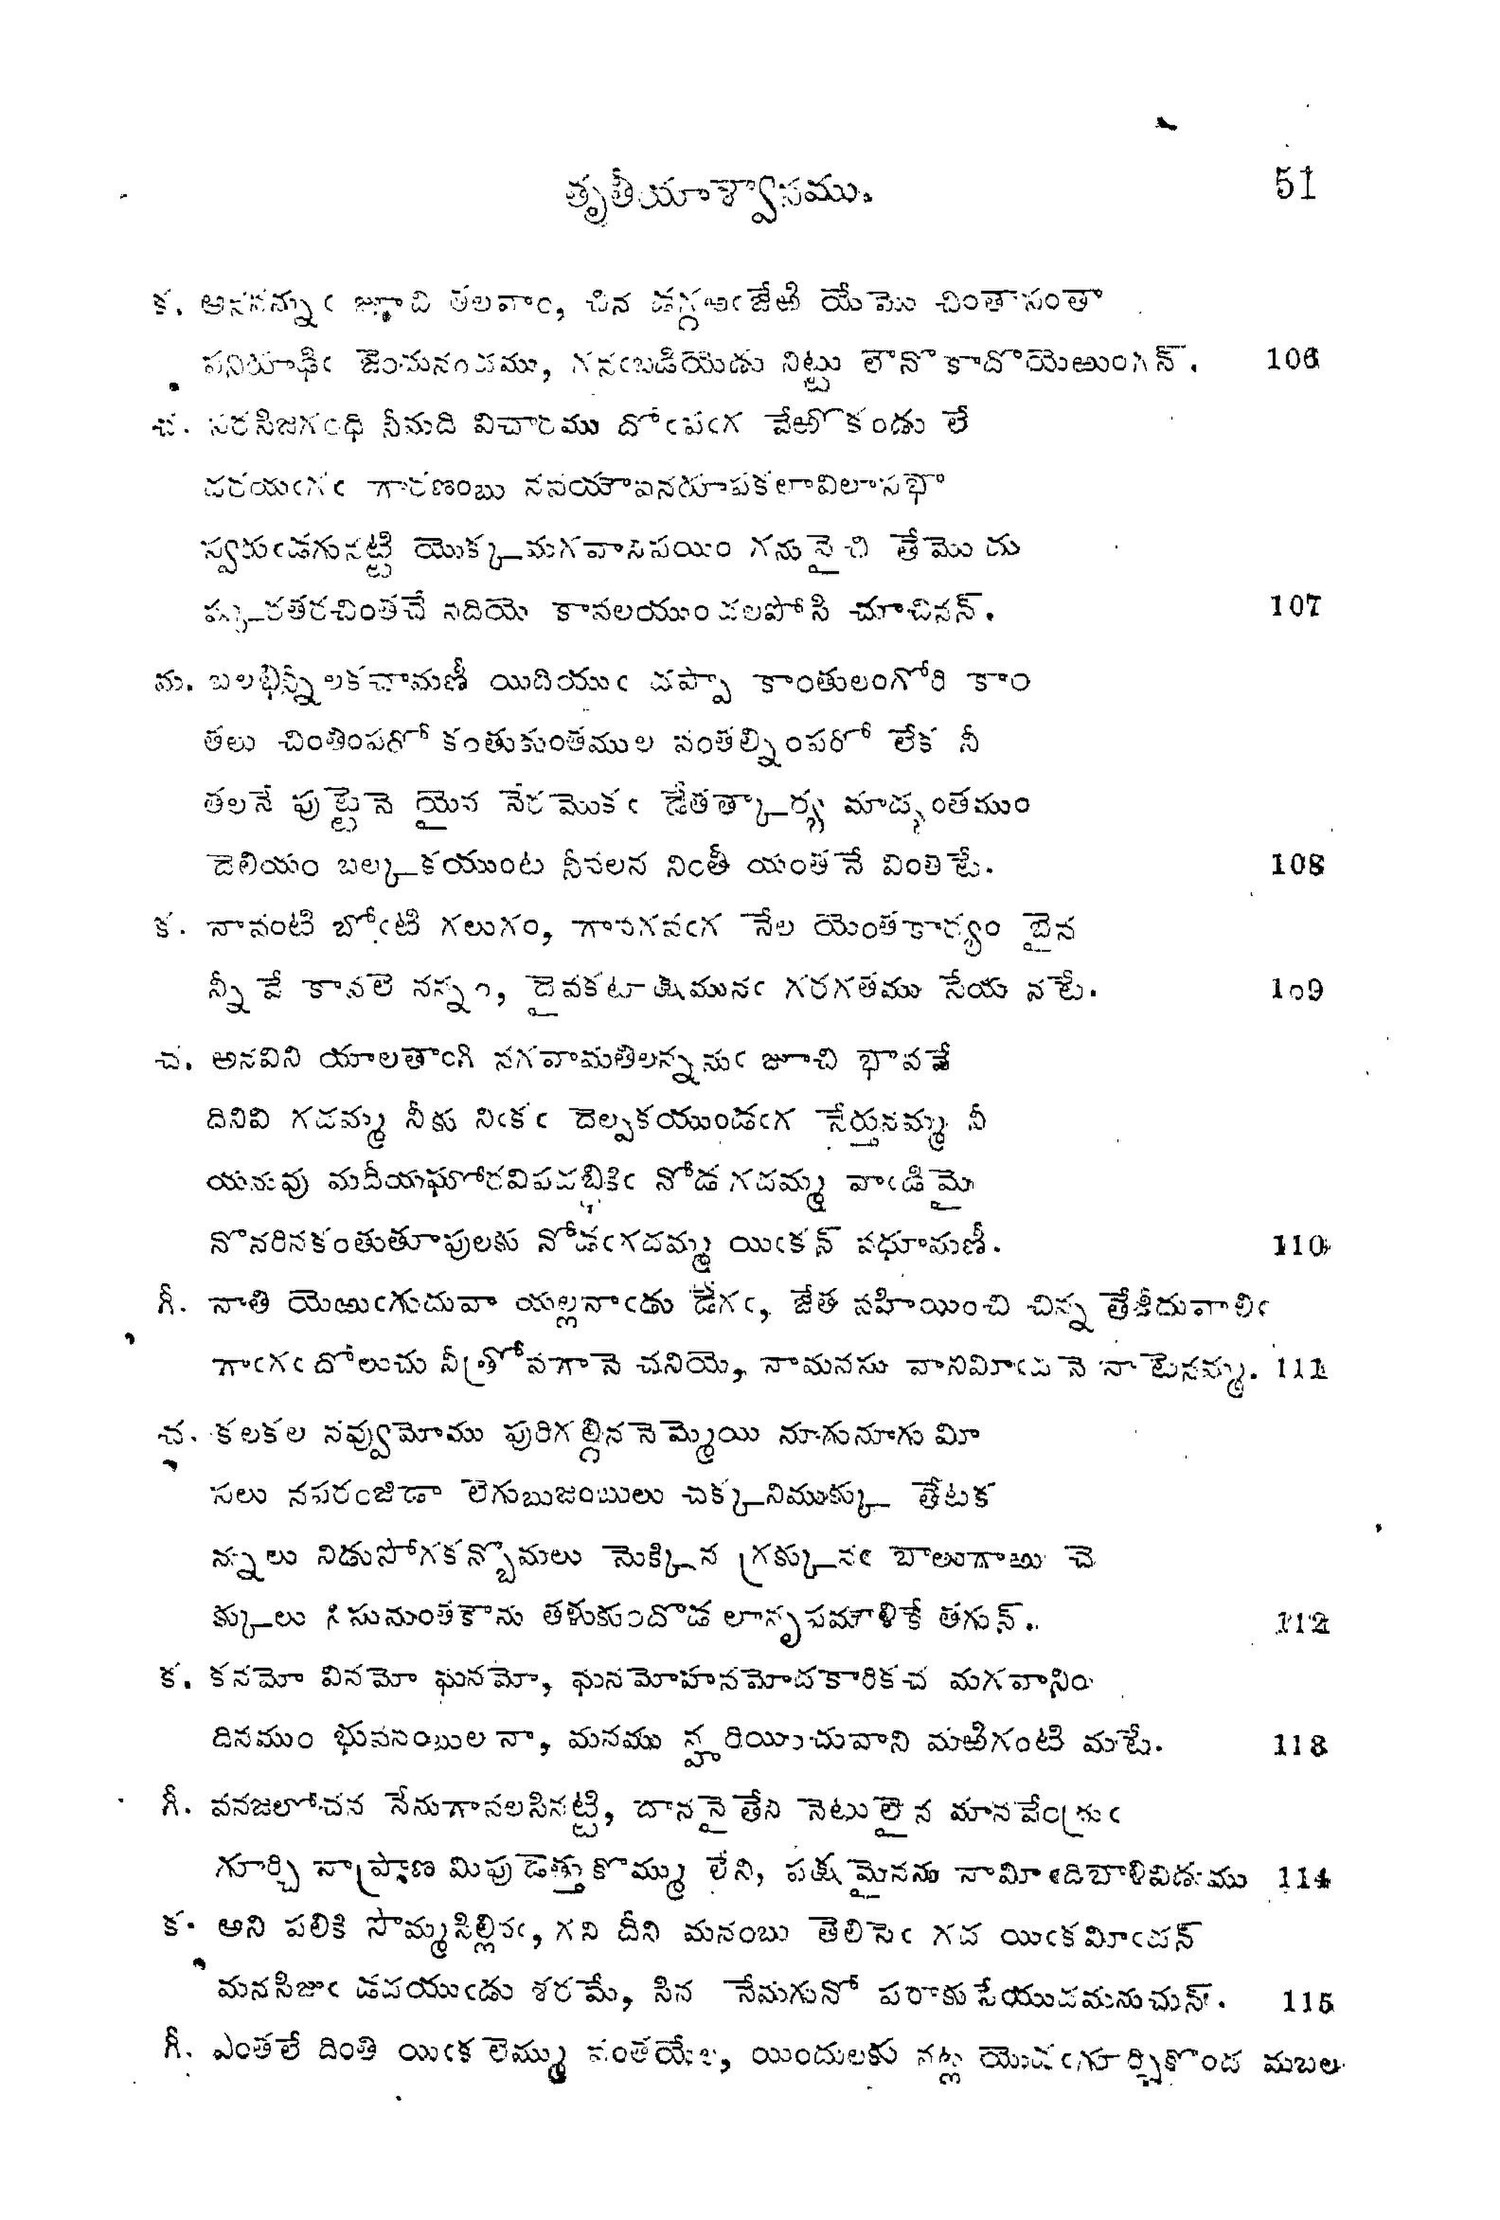క. అని నన్నుఁ జూచి తలవాం, చిన డగ్గఱఁ జేఱి యే మొ చింతాసంతా
పనిరూఢి జెందునందము, గనఁబడియెడు నిట్టు లౌనొ కాదొ యెఱుంగన్.
చ. సరసిజగంధి నీమది విచారము దోఁపఁగ వేఱొకండు లే
దరయఁగఁ గారణంబు నవయౌవనరూపకలావిలాసభా
స్వరుఁడగునట్టి యొక్కమగవానిపయిం గనువైచి తేమొ దు
ష్కరతరచింతచే నదియె కావలయుం దలపోసి చూచినన్.
మ. బలభిన్నీలకచామణీ యిదియుఁ దప్పా కాంతులంగోరి కాం
తలు చింతింప కంతుకుంతముల వంత ల్నింపరో లేక నీ
తలనే పుట్టెనె యైన నేర మొకఁ డేతత్కార్య మాద్యంతముం
దెలియం బల్కకయుంట నీవలన నింతీ యంతనే వింతటే.
క. నావంటి బోఁటి గలుగం, గా వగవఁగ నేల యెంతకార్యం బైన
న్నీవే కావలె నన్నం, దైవకటాక్షమునఁ గరగతము సేయ నటే.
చ. అనవిని యాలతాంగి నగ వామతిల న్ననుఁ జూచి భావవే
దినివి గదమ్మ నీకు నిఁకఁ దెల్పకయుండఁగ నేర్తునమ్మ నీ
యనువు మదీయఘోరవిపదబ్ధికిఁ నోడ గదమ్మ వాఁడిమై
నొనరినకంతుతూపులకు నోడఁగదమ్మ యిఁకన్ వధూమణీ.
గీ. నాతి యెఱుఁగుదువా యల్లనాఁడు డేగఁ, జేత సహియించి చిన్నతేజీదువాలిఁ
గాఁగఁ దోలుచు నీత్రోవగానె చనియె, నామనసు వానిమీఁదనె నాటెనమ్మ.
చ. కలకల నవ్వుమోము పురిగల్గిననెమ్మెయి నూగునూగు మీ
సలు నపరంజిడా లెగుబుజంబులు చక్కని ముక్కు తేటక
న్నులు నిడుసోగకన్బొమలు నొక్కిన గ్రక్కునఁ బాలుగాఱు చె
క్కులు నిసునుంతకౌను తళుకుందొడ లానృపమౌళికే తగున్.
క. కనమో వినమో ఘనమో, ఘనమోహనమోదకారికచ మగవానిం
దినముం భువనంబుల నా, మనము న్హరియించువాని మఱి గంటి మటే.
గీ. వనజలోచన నేను గావలసినట్టి, దాననైతేని నెటులైన మాన వేంద్రుఁ
గూర్చి నాప్రాణ మిపు డెత్తుకొమ్ము లేని, పక్షమైనను నామీఁదిబాళి విడుము.
క. అని పలికి సొమ్మసిల్లినఁ, గని దీని మనంబు తెలిసెఁ గద యిఁకమీఁదన్
మనసిజుఁ డదయుఁడు శరమే, సిన నేమగునో పరాకు సేయుదమనుచున్.
గీ. ఎంతలే దింతి యిఁక లెమ్ము నంతయేల, యిందులకు నట్ల యొడఁగూర్చికొంద మబల